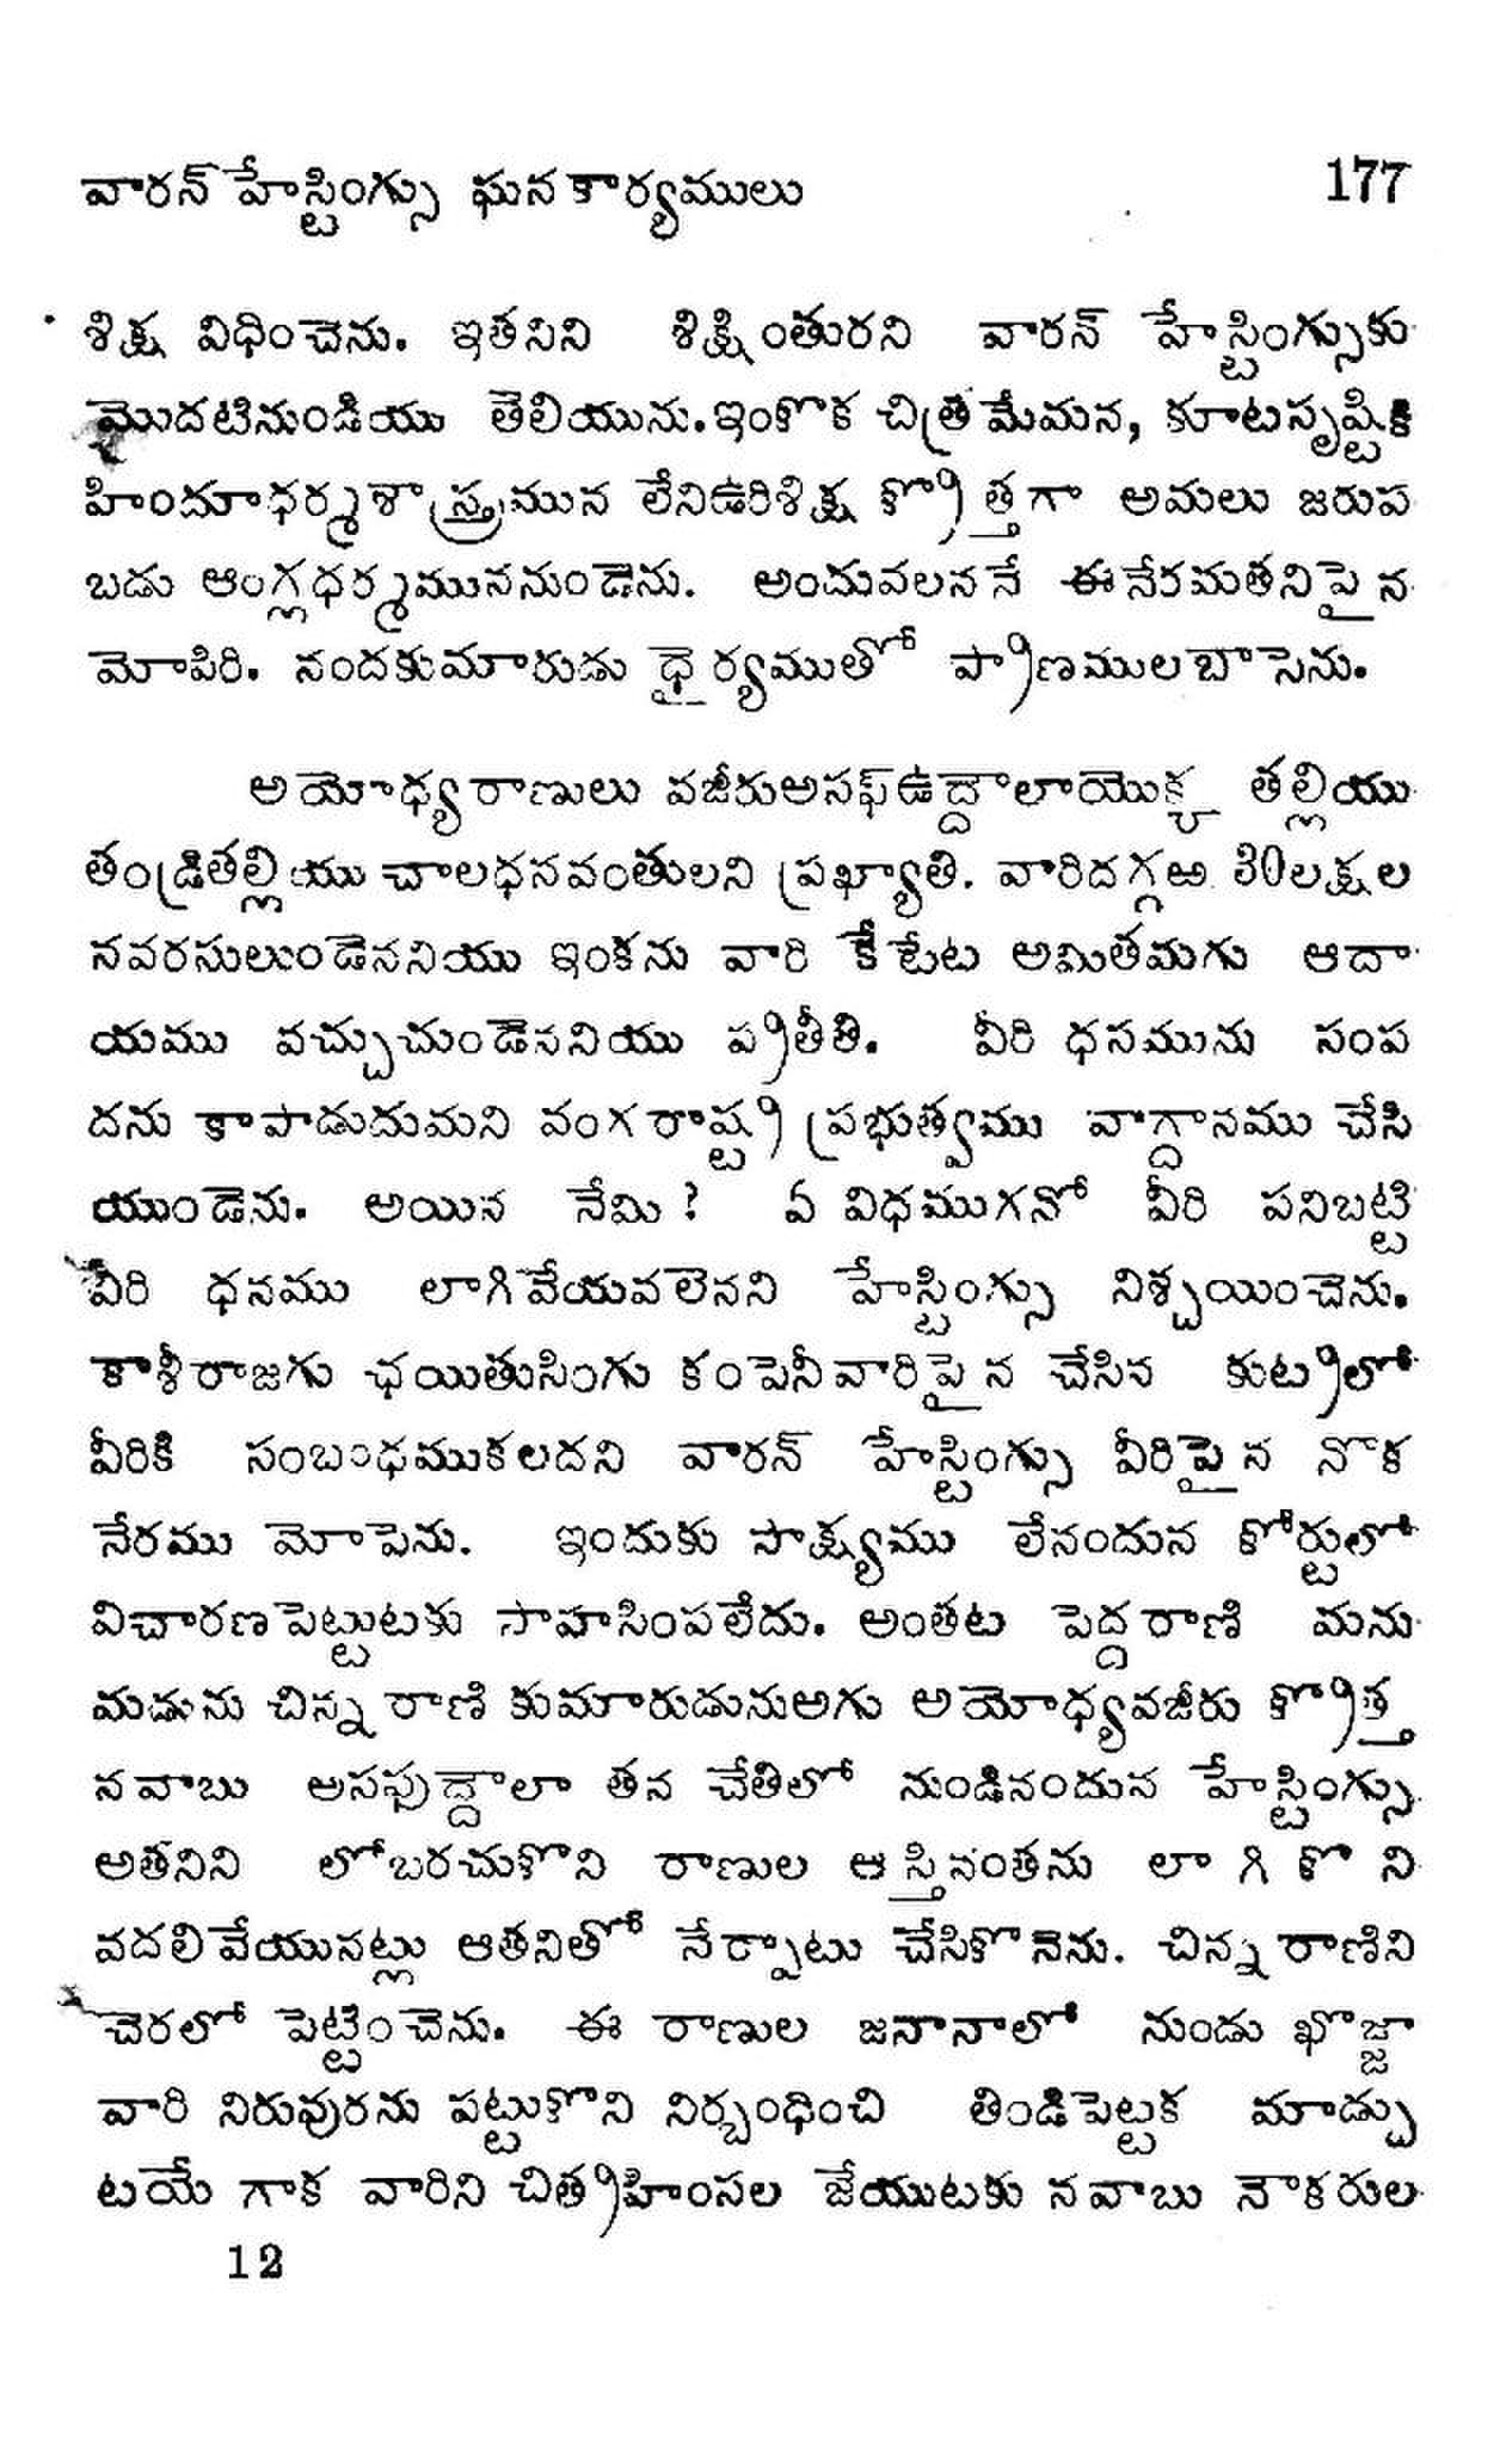శిక్ష విధించెను. ఇతనిని శిక్షింతురని వారన్ హేస్టింగ్సుకు మొదటినుండియు తెలియును. ఇంకొక చిత్రమేమన, కూటసృష్టికి హిందూధర్మశాస్త్రమున లేనిఉరిశిక్ష క్రొత్తగా అమలు జరుపబడు ఆంగ్ల ధర్మముననుండెను. అందువలననే ఈ నేరమతనిపైన మోపిరి. నందకుమారుడు ధైర్యముతో ప్రాణముల బాసెను.

అయోధ్యరాణులు వజీరు అసఫ్‌ఉద్దౌలాయొక్క తల్లియు తండ్రితల్లియు చాలధనవంతులని ప్రఖ్యాతి. వారిదగ్గఱ 30 లక్షల నవరసులుండెననియు ఇంకను వారి కేటేట అమితమగు ఆదాయము వచ్చుచుండెననియు ప్రతీతి. వీరి ధనమును సంపదను కాపాడుదుమని వంగరాష్ట్ర ప్రభుత్వము వాగ్దానము చేసి యుండెను. అయిన నేమి? ఏ విధముగనో వీరి పనిబట్టి వీరి ధనము లాగివేయవలెనని హేస్టింగ్సు నిశ్చయించెను. కాశీరాజగు ఛయితుసింగు కంపెనీవారిపైన చేసిన కుట్రలో వీరికి సంబంధముకలదని వారన్ హేస్టింగ్సు వీరిపైన నొక నేరము మోపెను. ఇందుకు సాక్ష్యము లేనందున కోర్టులో విచారణపెట్టుటకు సాహసింపలేదు. అంతట పెద్దరాణి మనుమడును చిన్నరాణి కుమారుడును అగు అయోధ్యవజీరు క్రొత్త నవాబు అసవుద్దౌలా తన చేతిలో నుండినందున హేస్టింగ్సు. అతనిని లోబరచుకొని రాణుల ఆస్తినంతను లాగికొని వదలివేయునట్లు అతనితో నేర్పాటు చేసికొనెను. చిన్నరాణిని చెరలో పెట్టించెను. ఈ రాణుల జనానాలో నుండు ఖొజ్జావారి నిరువురను పట్టుకొని నిర్బంధించి తిండిపెట్టక మాడ్పుటయే గాక వారిని చిత్రహింసల జేయుటకు నవాబు నౌకరుల